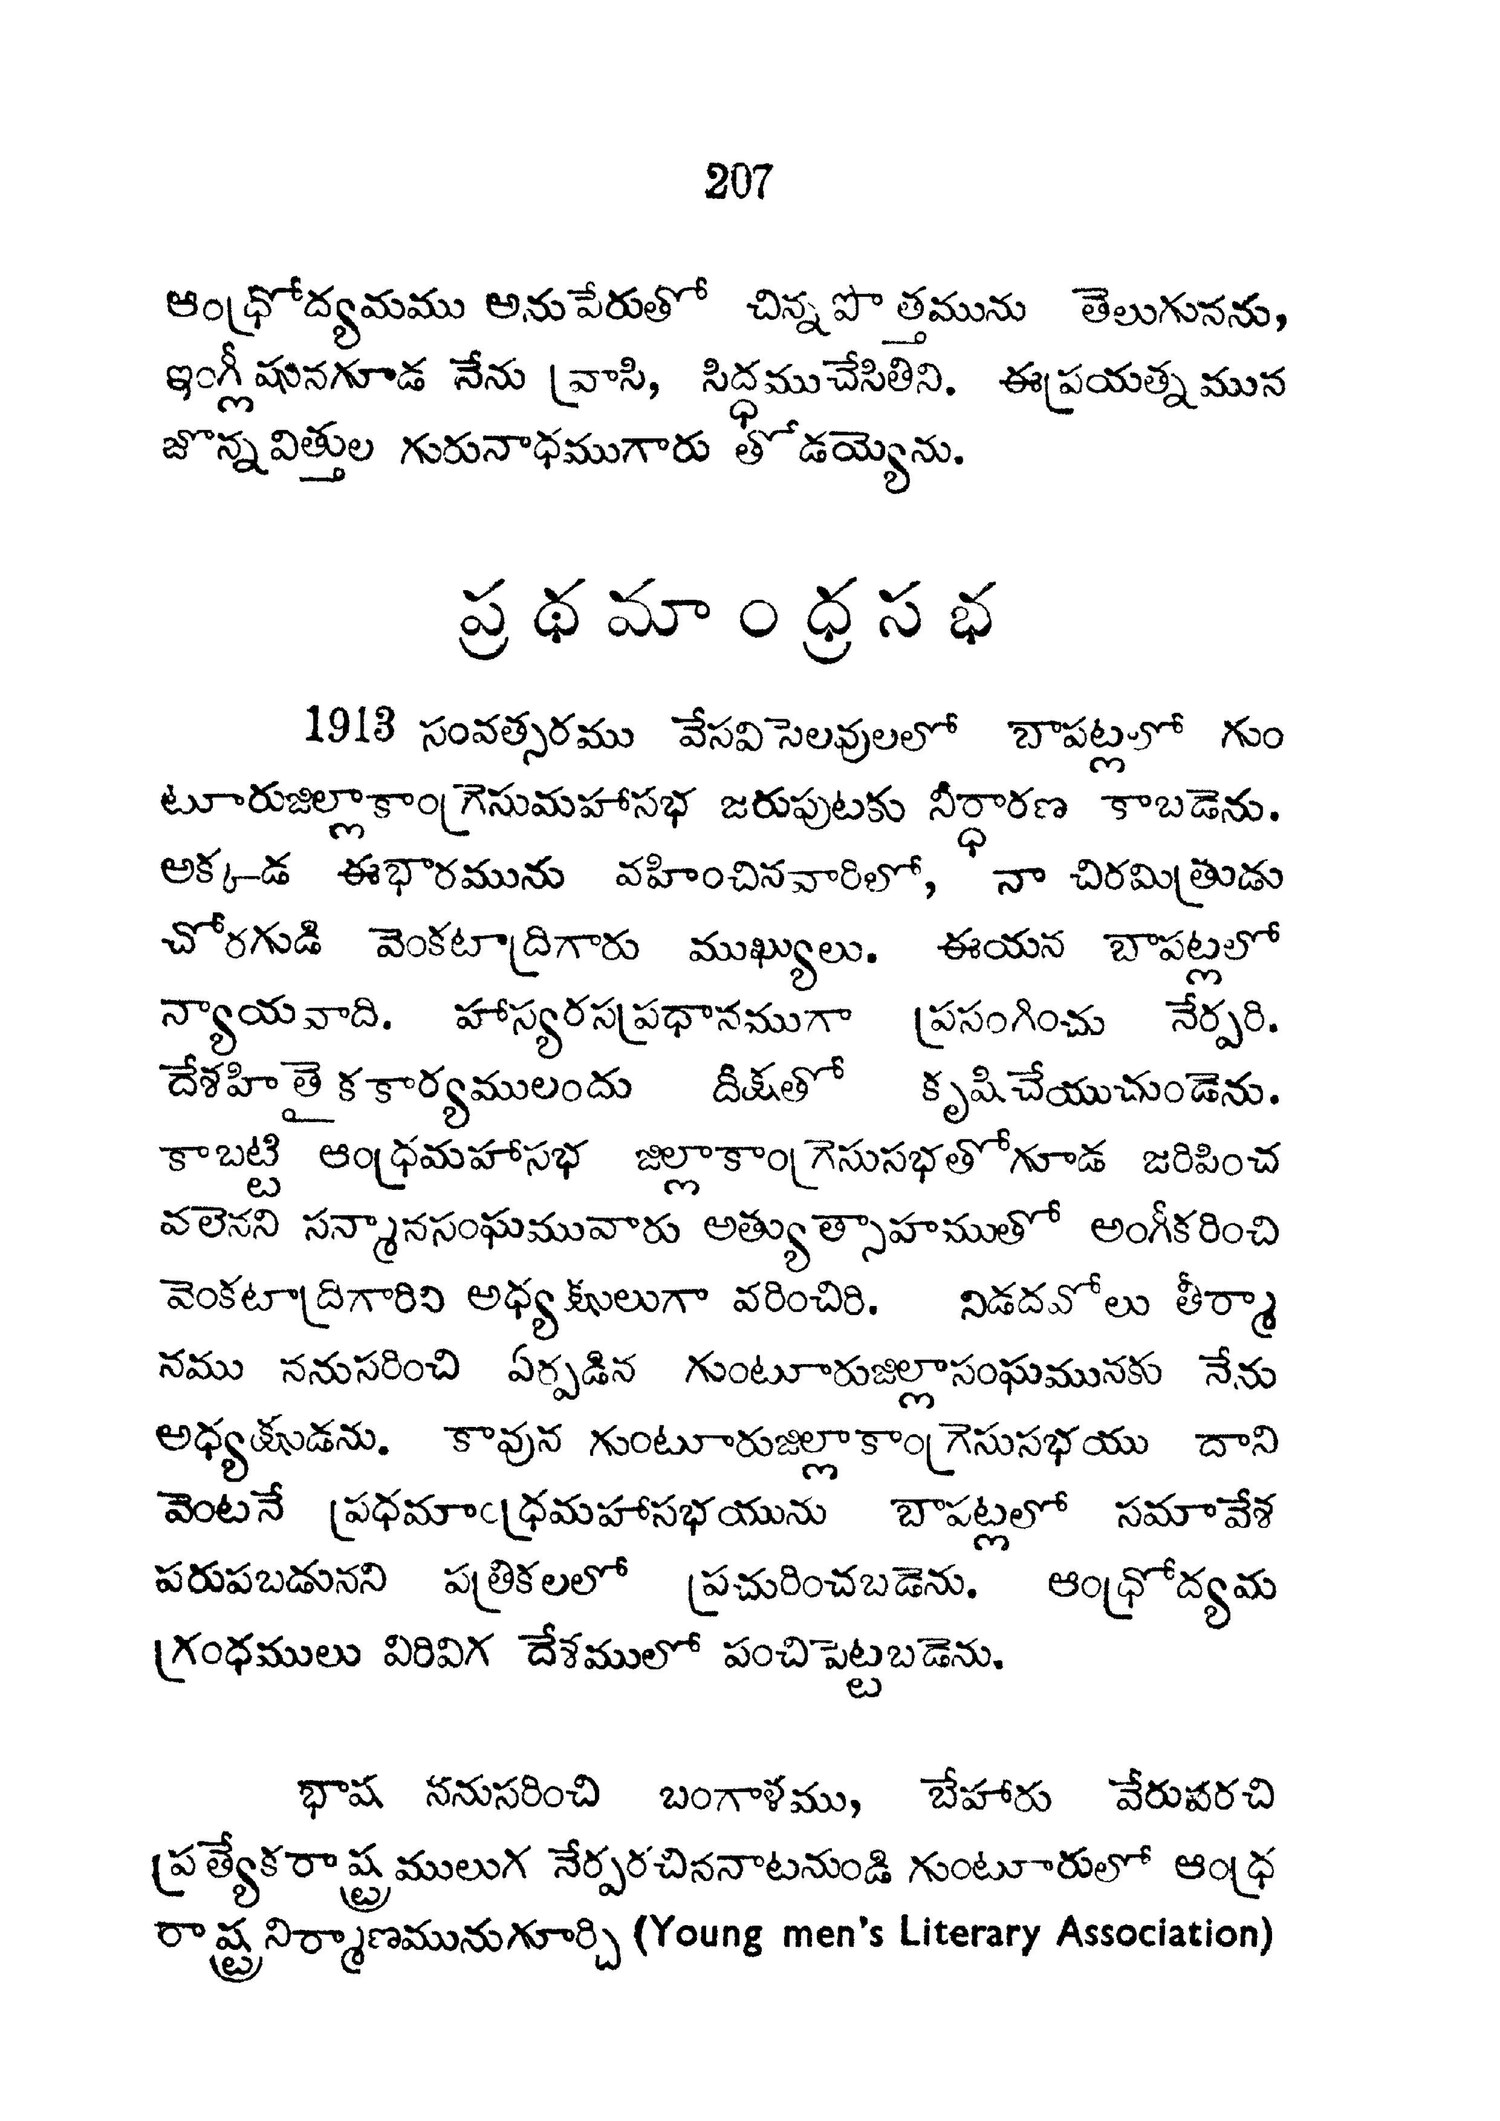ఆంధ్రోద్యమము అనుపేరుతో చిన్నపొత్తమును తెలుగునను, ఇంగ్లీషునగూడ నేను వ్రాసి, సిద్ధముచేసితిని. ఈప్రయత్నమున జొన్నవిత్తుల గురునాధముగారు తోడయ్యెను.

1913 సంవత్సరము వేసవిసెలవులలో బాపట్లలో గుంటూరుజిల్లాకాంగ్రెసుమహాసభ జరుపుటకు నిర్ధారణ కాబడెను. అక్కడ ఈభారమును వహించినవారిలో, నా చిరమిత్రుడు చోరగుడి వెంకటాద్రిగారు ముఖ్యులు. ఈయన బాపట్లలో న్యాయవాది. హాస్యరసప్రాధానముగా ప్రసంగించు నేర్పరి. దేశహితైకకార్యములందు దీక్షతో కృషిచేయుచుండెను. కాబట్టి ఆంధ్రమహాసభ జిల్లాకాంగ్రెసుసభతోగూడ జరిపించవలెనని సన్మానసంఘమువారు అత్యుత్సాహముతో అంగీకరించి వెంకటాద్రిగారిని అధ్యక్షులుగా వరించిరి. నిడదవోలు తీర్మానము ననుసరించి ఏర్పడిన గుంటూరుజిల్లాసంఘమునకు నేను అధ్యక్షుడను. కావున గుంటూరుజిల్లాకాంగ్రెసుసభయు దాని వెంటనే ప్రధమాంధ్రమహాసభయును బాపట్లలో సమావేశపరుపబడునని పత్రికలలో ప్రచురింపబడెను. ఆంధ్రోద్యమ గ్రంధములు విరివిగ దేశములో పంచిపెట్టబడెను.

భాష ననుసరించి బంగాళము, బేహారు వేరుపరచి ప్రత్యేకరాష్ట్రములుగ నేర్పరచిననాటనుండి గుంటూరులో ఆంధ్రరాష్ట్రనిర్మాణమునుగూర్చి (Young men's Literary Association)